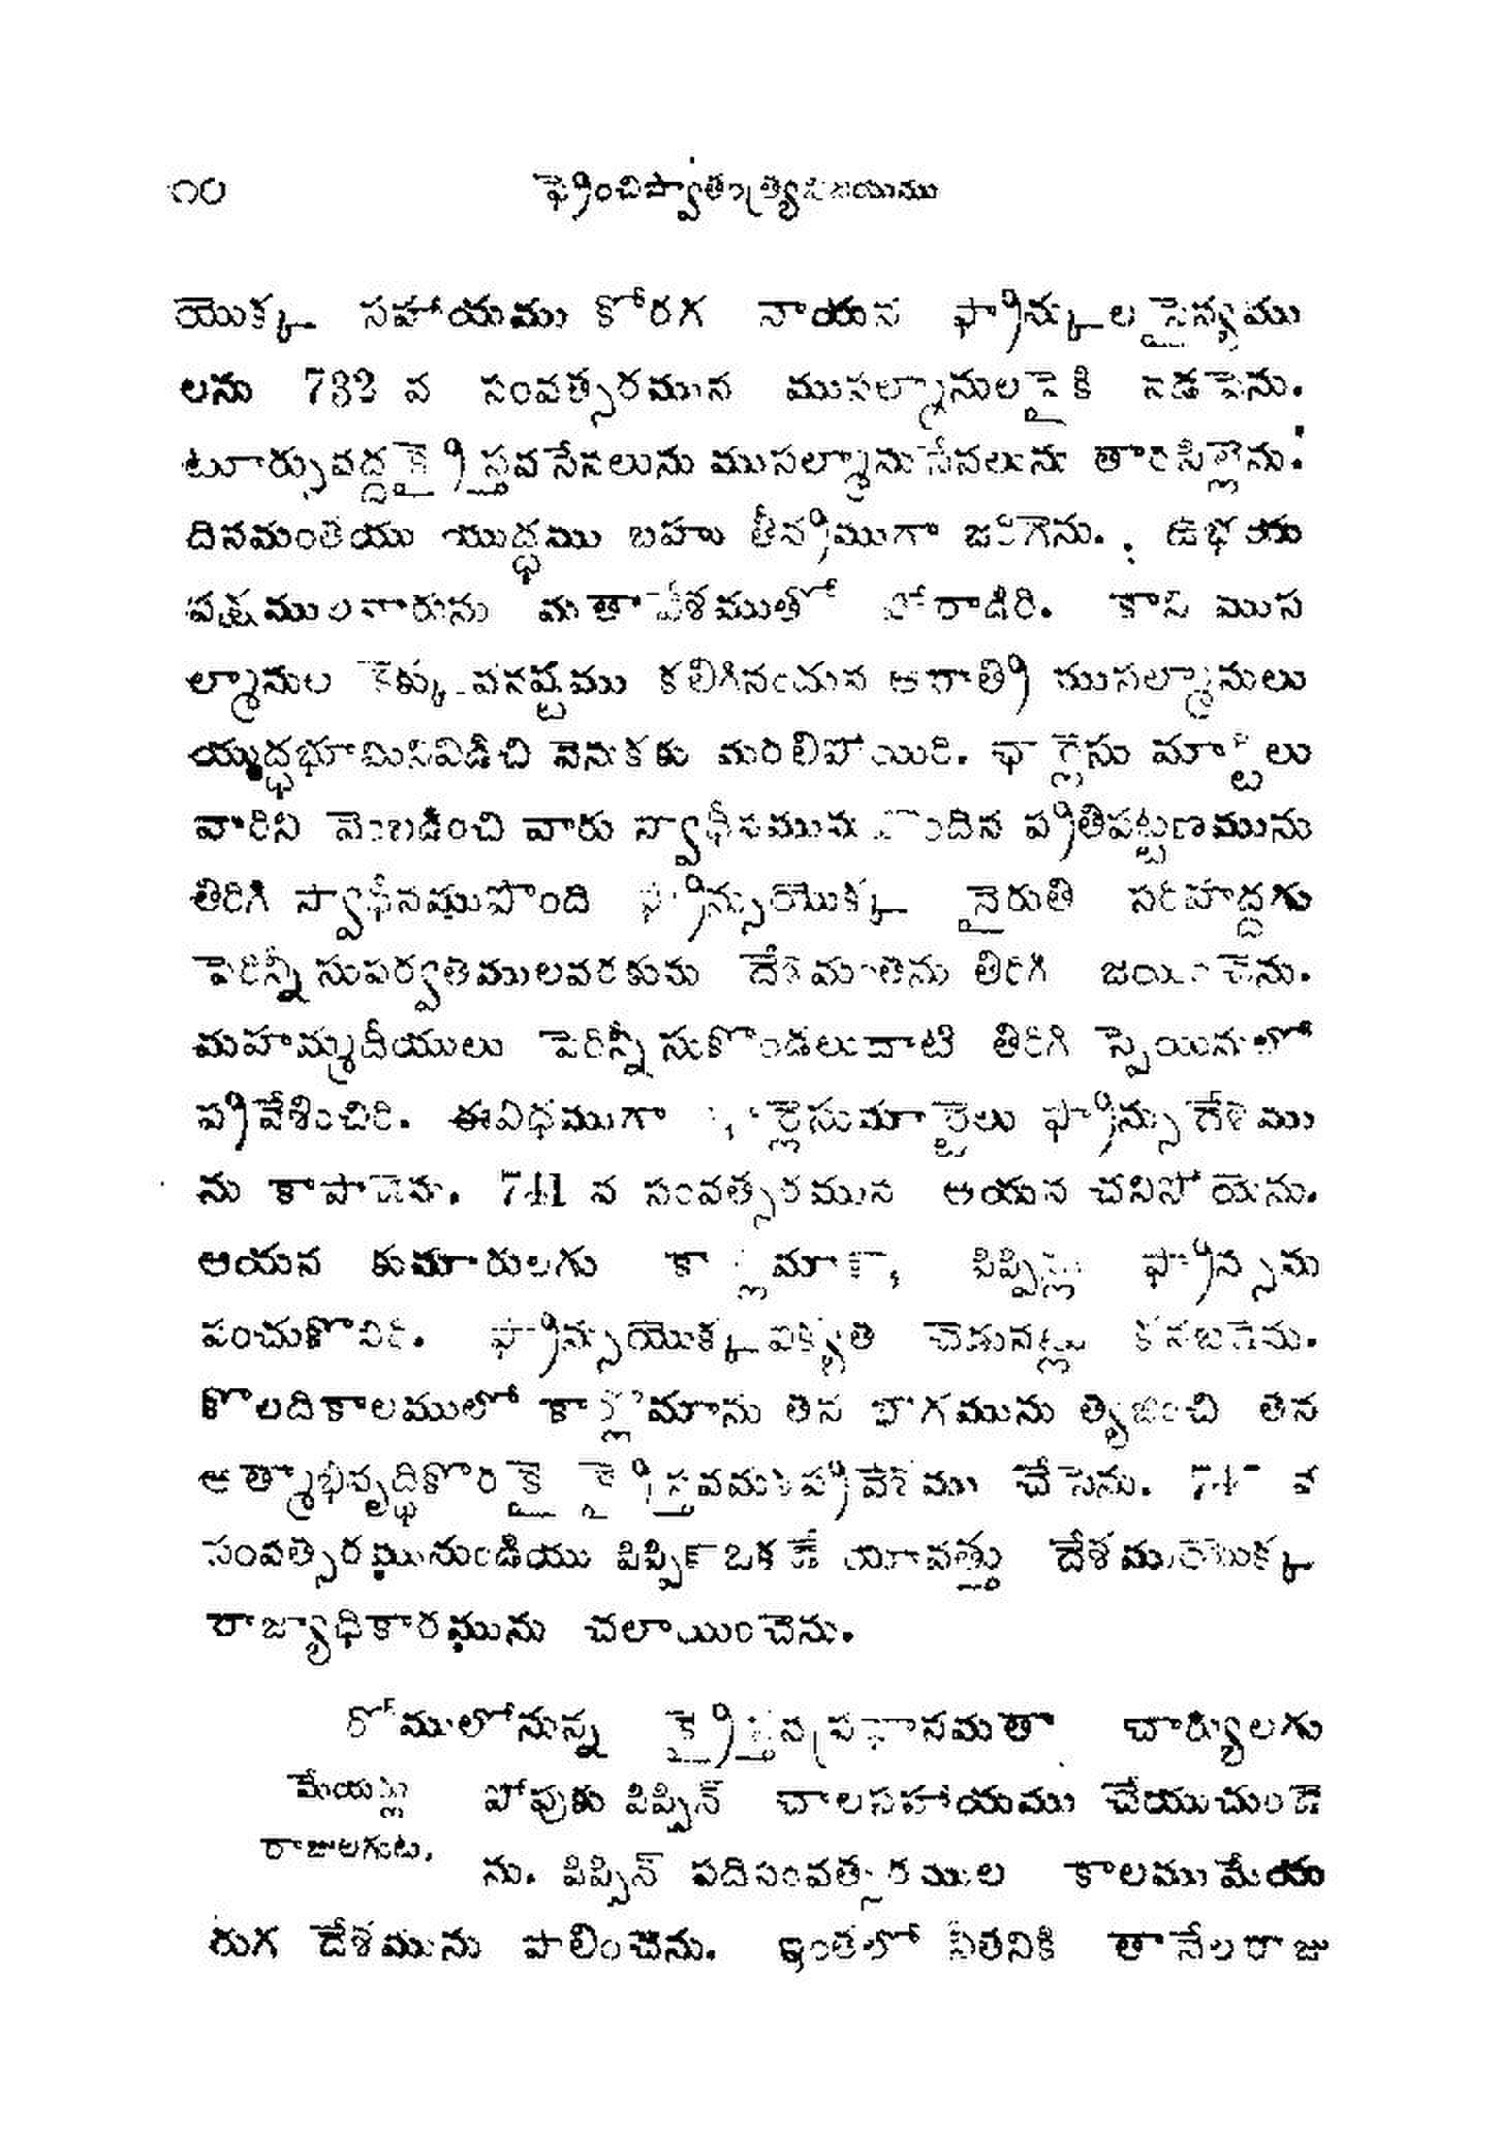యొక్క సహాయము కోరగ నాయన ఫ్రాన్కుల సైన్యము
లను 783 వ సంవత్సరమున ముసల్మానుల పైకి నడపెను.
టూర్పువద్ద క్రైస్తవ సేసలుసు ముసల్మాను సేనలను తారసిల్లెను :
దినమంతయు యుద్ధము బహు తీవ్రముగా జరిగెను. ఉభయు
పక్షముల వారును మతావేశముతో పోరాడిరి. కానీ ముస
ల్మానుల కెక్కువ నష్టము కలిగినఁదుస ఆ రాత్రి ముసల్మానులు
యుద్ధభూమి విడిచి వెనకకు మరలిపోయిరి. ఛార్లెసు మార్టలు
వారిని వెంబడించి వారు స్వాదీనము పొందిన ప్రతిపట్టణమును
తిరిగి స్వాదీనము పొంది ఈ ప్రాన్సు యొక్క నైరుతి సరిహద్దగు
పెరిన్నీ పర్వతములవరకును "దేశమంతను తిరిగి జయించెను.
మహమ్మదీయులు పెరిన్నీసు కొండలు దాటి తిరిగి స్పెయిను లో
ప్రవేశించిరి. ఈ విధముగా ఛార్లెసుమార్టెలు ఫ్రాన్సుదేశమును కాపాడెను. 741వ సంవత్సరమున ఆయన చనిపోయెను. ఆయన కుమారులగు కాల్లిమాన్, పిప్పిర్లు ఫాన్సును పంచుకొనిరి. ఫ్రాన్సుయొక్క ఐక్యత చెడునట్లు కనబడెను.
కొలది కాలములో కార్లో మాను తన భాగమును త్యజించి తన
ఆత్మాభవృద్ధి కొరకైక్రైస్తవమత ప్రవేశము చేసెను. 747 వ
సంవత్సరము నుండియు పిప్పిన్ ఒకడే యావత్తు దేశముయెక్క
రాజ్యాధికారమును చలాయించెను.

రోములో నున్న క్రైస్తవ ప్రధాన మతాచార్యులగు పోపుకు పిప్పీన్ చాల సహాయము 
చేయుచుండెను. పిప్సిన్ పది సంవత్సరముల కాలము మేయరుగ దేశమును పాలించెను. ఇంతలో నితనికి తానే రాజు